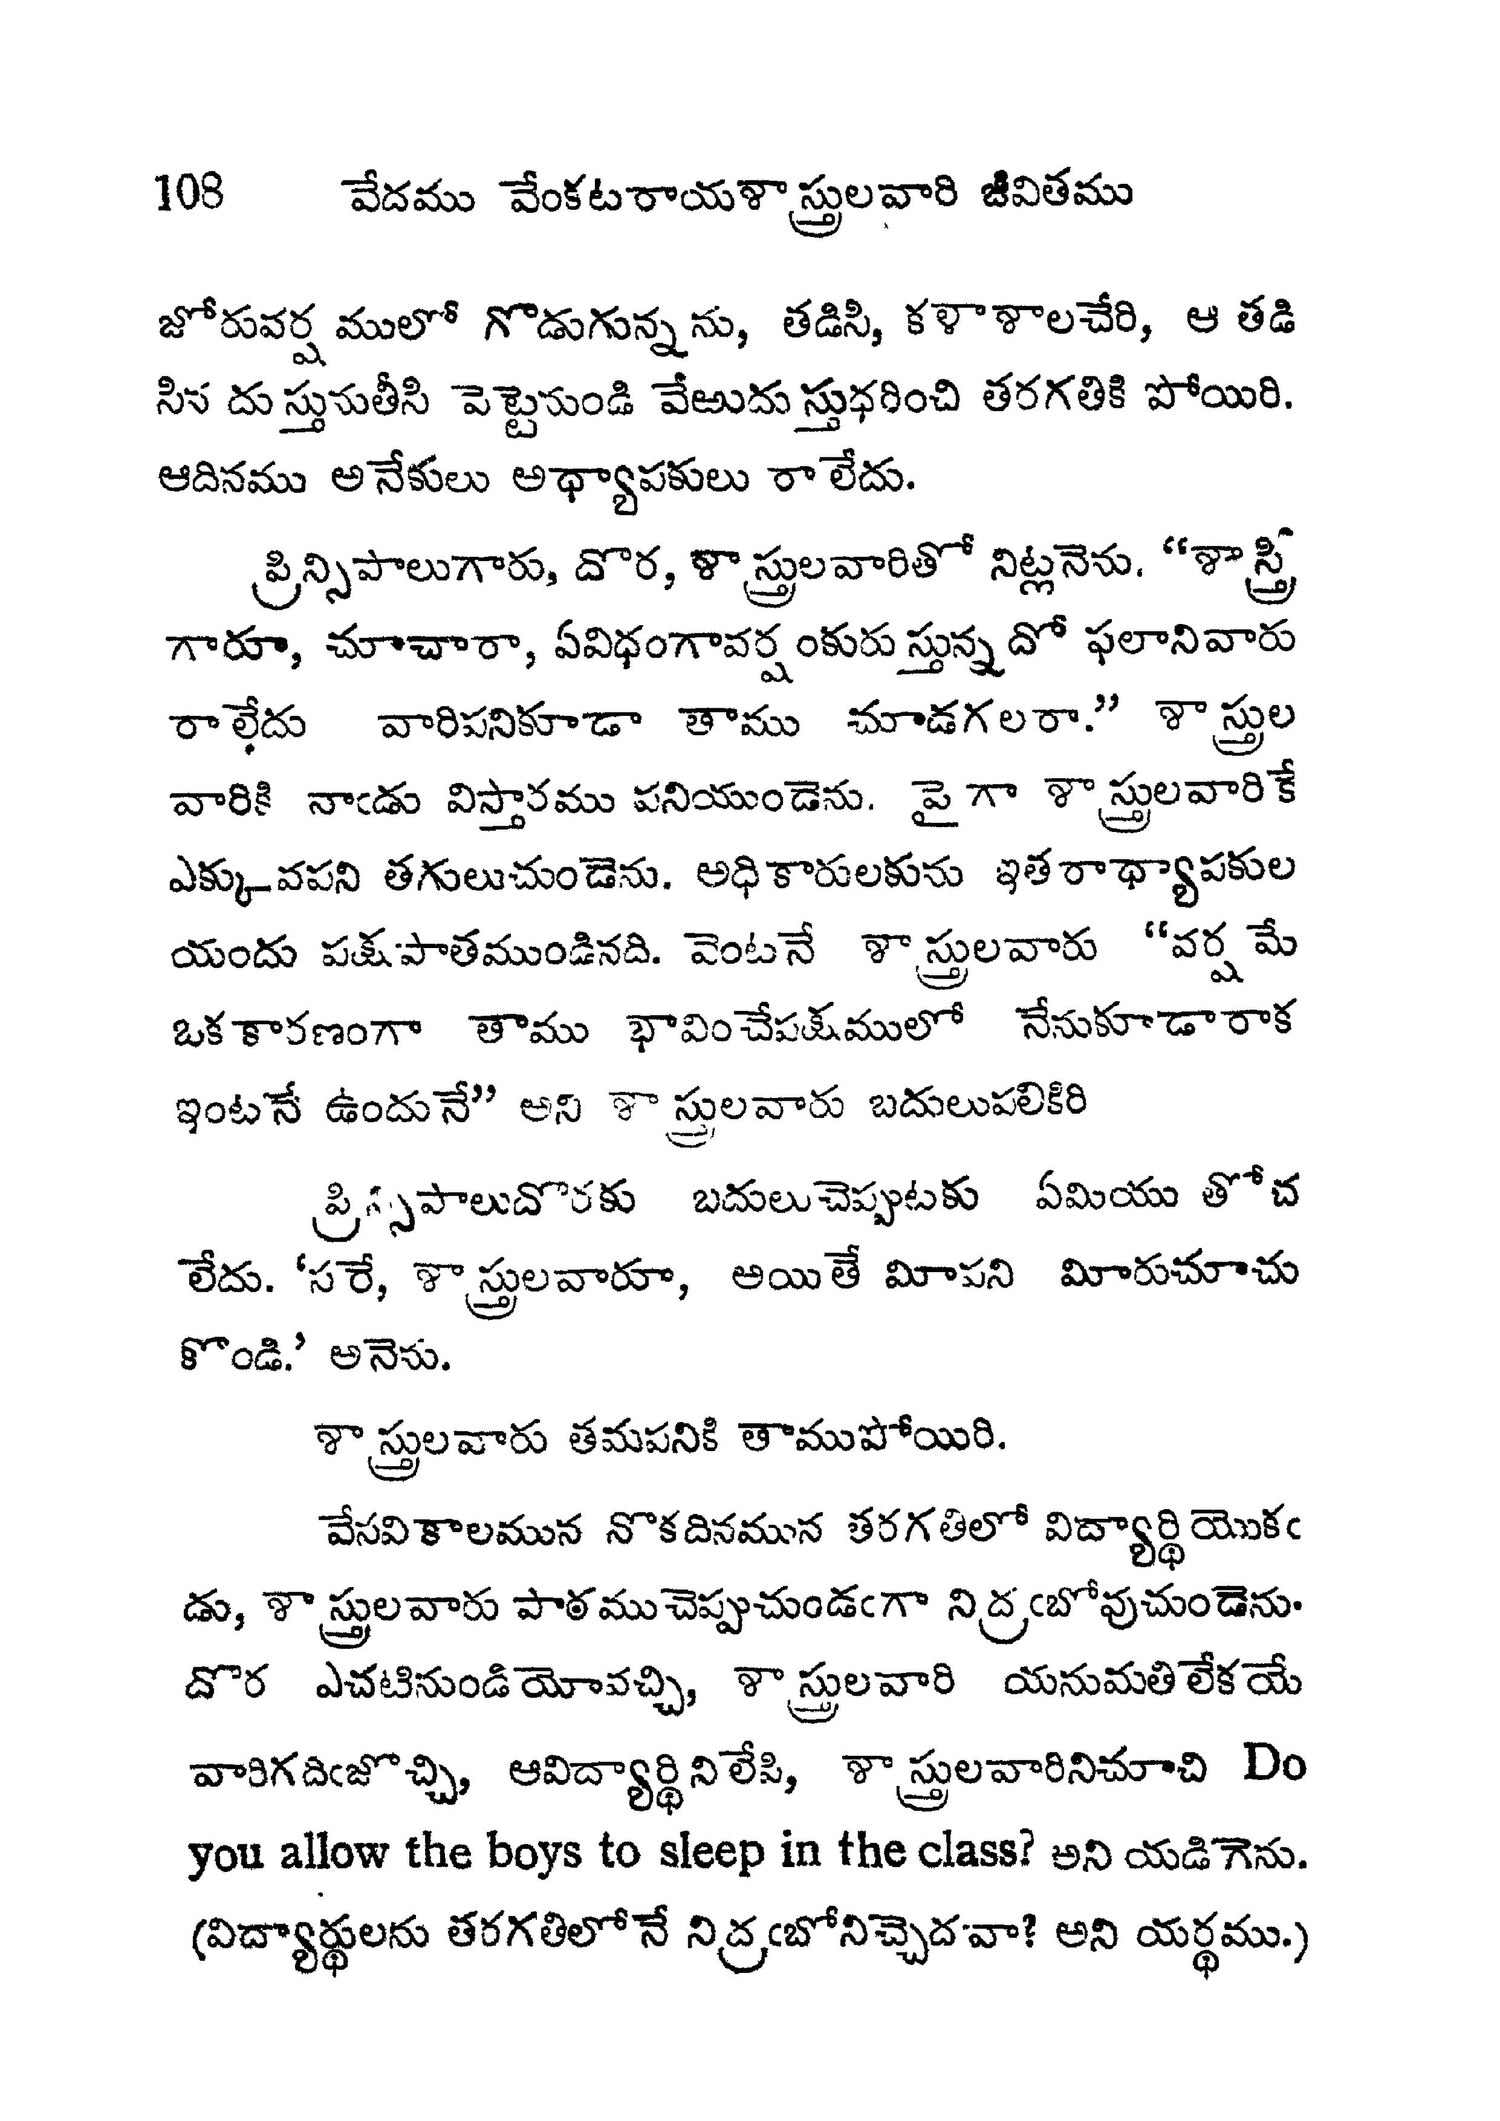జోరువర్షములో గొడుగున్నను, తడిసి, కళాశాలచేరి, ఆ తడసిన దుస్తునుతీసి పెట్టెనుండి వేఱుదుస్తుధరించి తరగతికి పోయిరి. ఆదినము అనేకులు అథ్యాపకులు రాలేదు.

ప్రిన్సిపాలుగారు, దొర, శాస్త్రులవారితో నిట్లనెను. "శాస్త్రిగారూ, చూచారా, ఏవిధంగావర్షంకురుస్తున్నదో ఫలానివారు రాలేదు. వారిపనికూడా తాము చూడగలరా." శాస్త్రులవారికి నాడు విస్తారము పనియుండెను. పైగా శాస్త్రులవారికే ఎక్కువపని తగులుచుండెను. అధికారులకును ఇతరాథ్యాపకుల యందు పక్షపాతముండినది. వెంటనే శాస్త్రులవారు "వర్షమే ఒకకారణంగా తాము భావించేపక్షములో నేనుకూడారాక ఇంటనే ఉందునే" అని శాస్త్రులవారు బదులుపలికిరి.

ప్రిన్సిపాలుదొరకు బదులుచెప్పుటకు ఏమియు తోచలేదు. 'సరే, శాస్త్రులవారూ, అయితే మీపని మీరుచూచుకొండి.' అనెను.

శాస్త్రులవారు తమపనికి తాముపోయిరి.

వేసవికాలమున నొకదినమున తరగరిలో విద్యార్థియొకడు, శాస్త్రులవారు పాఠము చెప్పుచుండగా నిద్రబోవుచుండెను. దొర ఎచటినుండియోవచ్చి, శాస్త్రులవారి యనుమతిలేకయే వారిగదిజొచ్చి, ఆవిద్యార్థినిలేపి, శాస్త్రులవారినిచూచి Do you allow the boys to sleep in the class? అని యడిగెను. (విద్యార్థులను తరగతిలోనే నిద్రబోనిచ్చెదవా? అని యర్థము.)